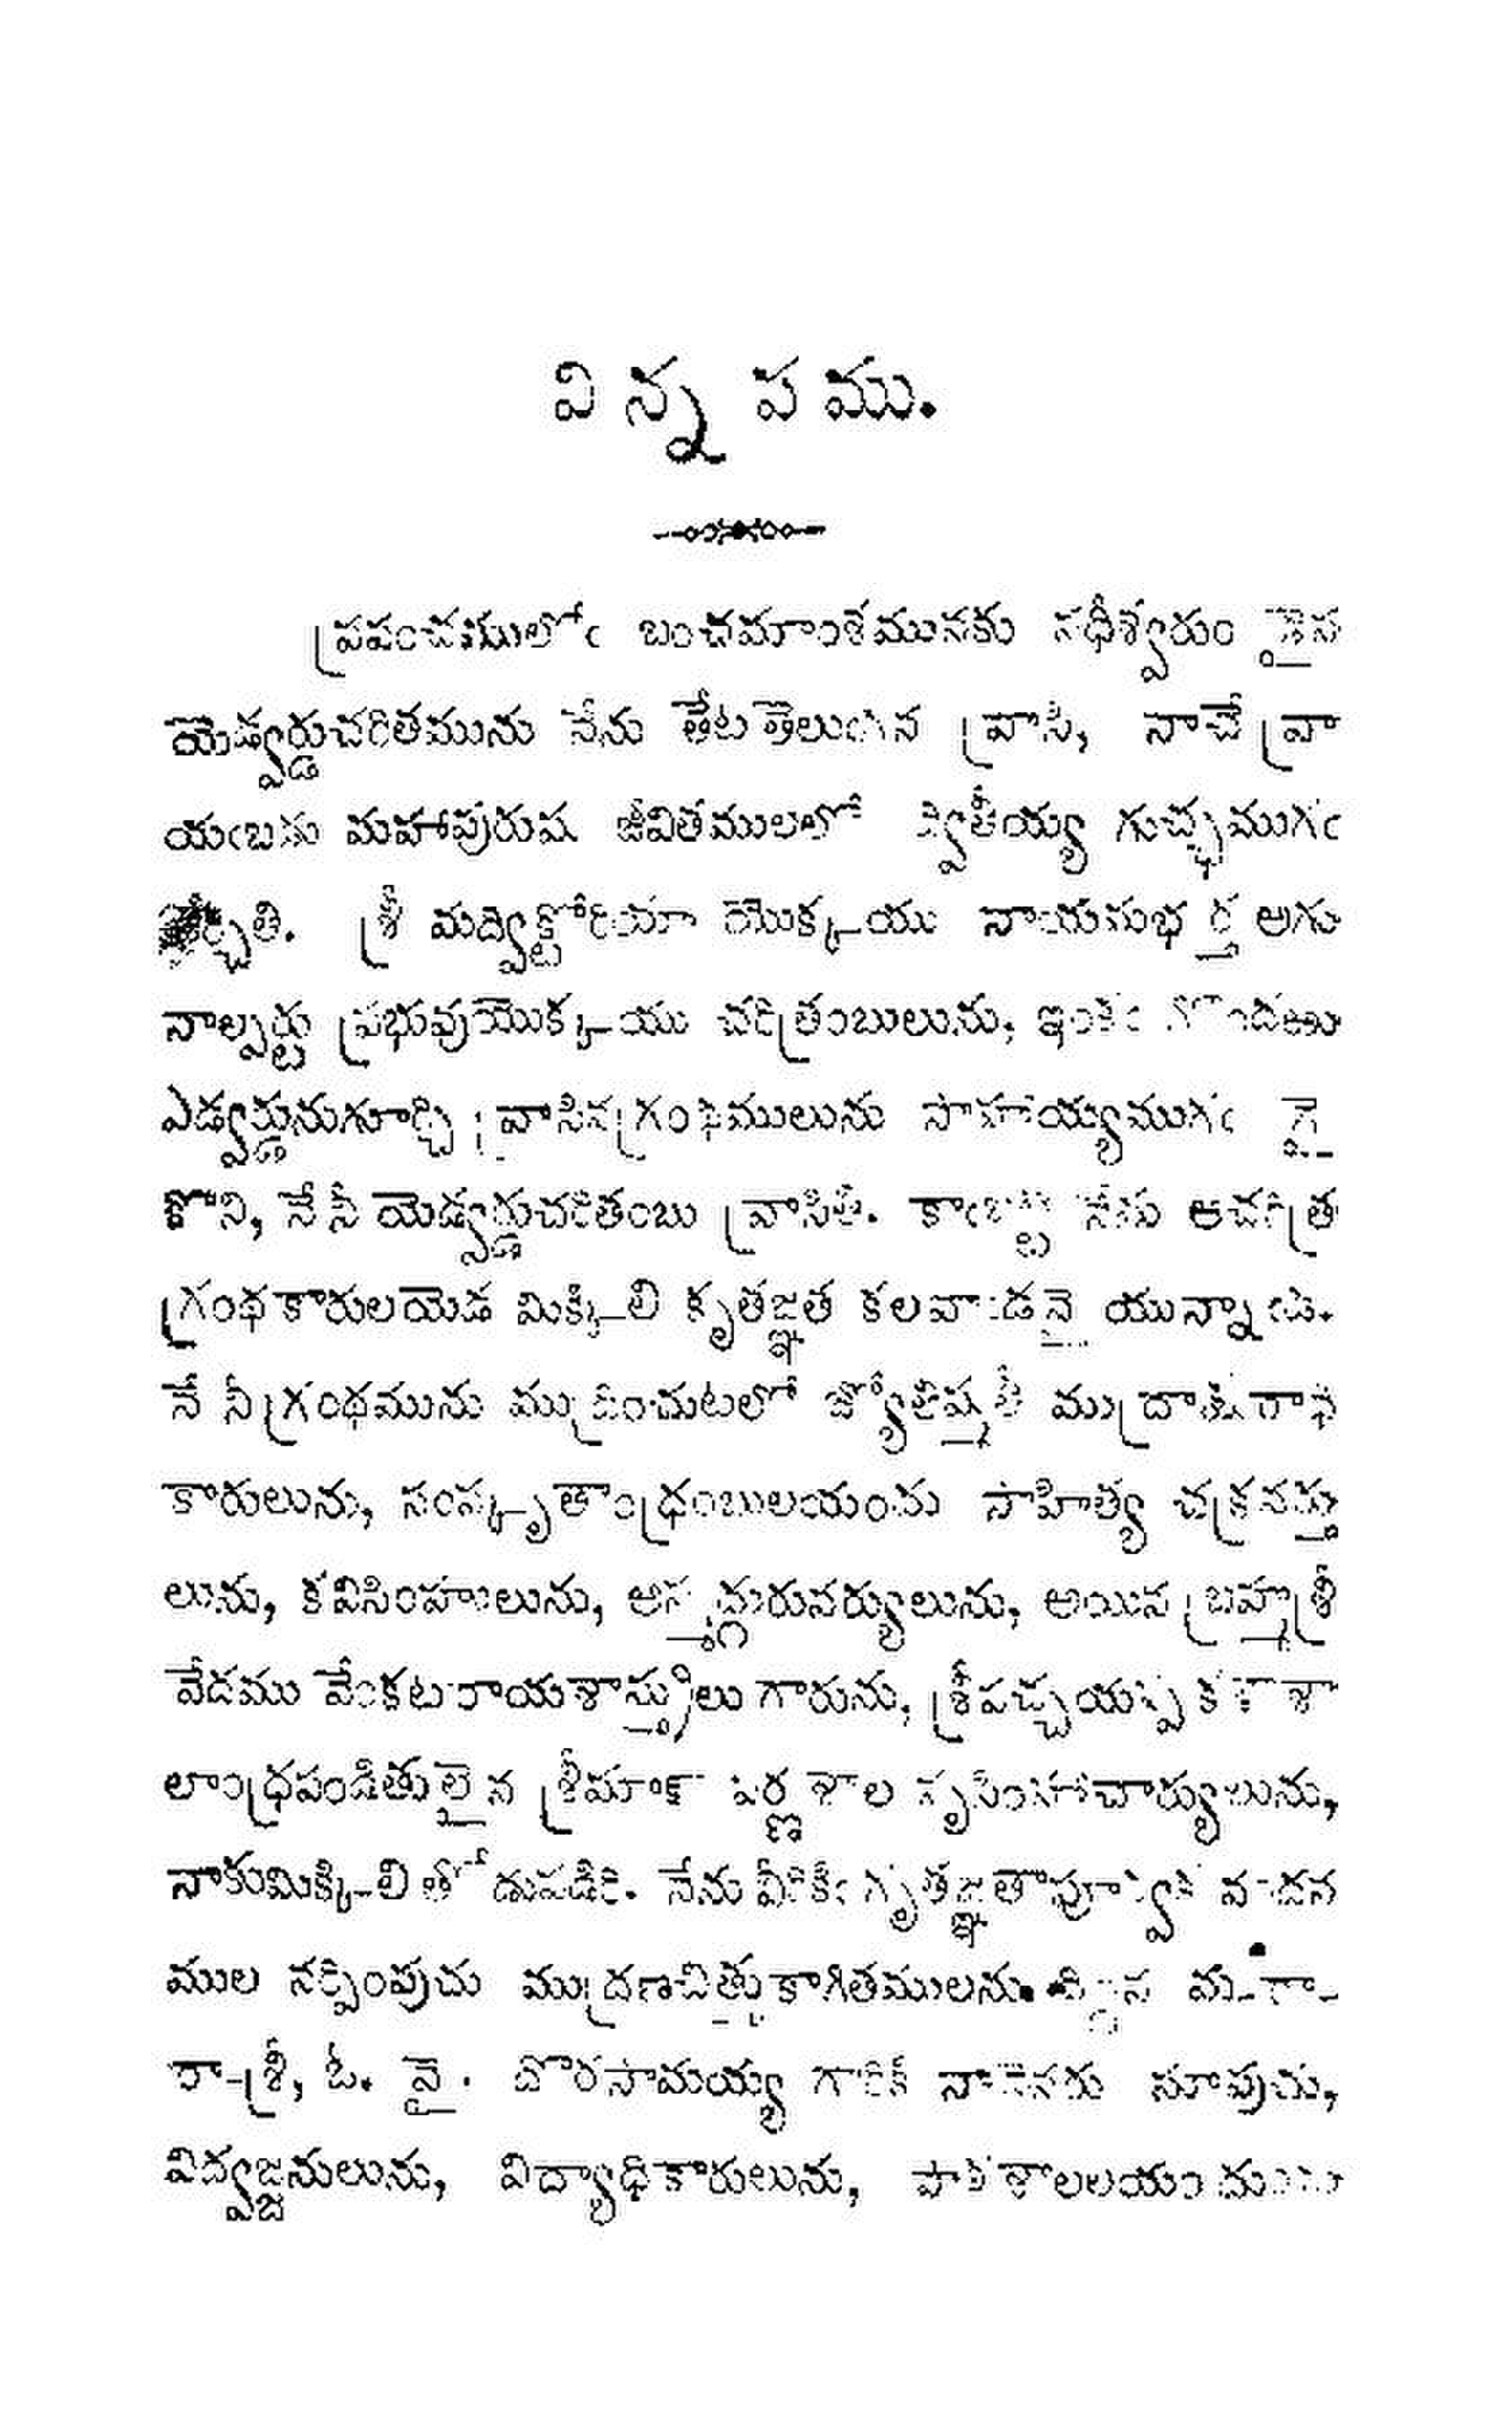విన్నపము.

ప్రపంచములోఁ బంచమాంశమునకు నధీశ్వరుం డైన యెడ్వర్డుచరితమును నేను తేటతెలుఁగన వ్రాసి, నాచే వ్రాయఁబడు మహాపురుష జీవితములలో ద్వితీయ్య గుచ్ఛముగఁ జేర్చితి. శ్రీ మద్విక్టోరియా యొక్కయు నాయమభర్త అగు నాల్పర్టు ప్రభువుయొక్కయు చరిత్రంబులును, ఇంకఁ గొందఱు
ఎడ్వర్డునుగూర్చి వ్రాసినగ్రంథములును సాహయ్యముగఁ గై కొని, నేనీ యెడ్వర్డుచరితంబు వ్రాసితి. కాఁబట్టి నేను ఆచరిత్ర గ్రంథకారులయెడ మిక్కిలి కృతజ్ఞత కలవాడనై యున్నాఁడ. నే నీ గ్రంథమును ముద్రించుటలో జ్యోతిష్మతీ ముద్రాక్షరాధికారులును, సంస్కృతాంధ్రంబులయందు సాహిత్య చక్రవర్తులును, కవిసింహులును, అస్మద్గురువర్యులును, అయిన బ్రహ్మశ్రీ వేదము వేంకటరాయశాస్త్రులుగారును, శ్రీపచ్చయప్పకళాశాలాంధ్రపండితులైన శ్రీమాన్ పర్ణశాల నృసింహాచార్యులును, నాకుమిక్కిలి తోడుపడిరి. నేను వీరికిఁ గృతజ్ఞతాపూర్వక వందనముల నర్పింపుచు ముద్రణచిత్తుకాగితములను దిద్దిన మ రా రా శ్రీ. ఓ. వై. . దొరసామయ్య గారికి నాదెనరు సూపుచు, విద్వజ్జనులును, విద్యాధికారులును, పాఠశాలలయందు.